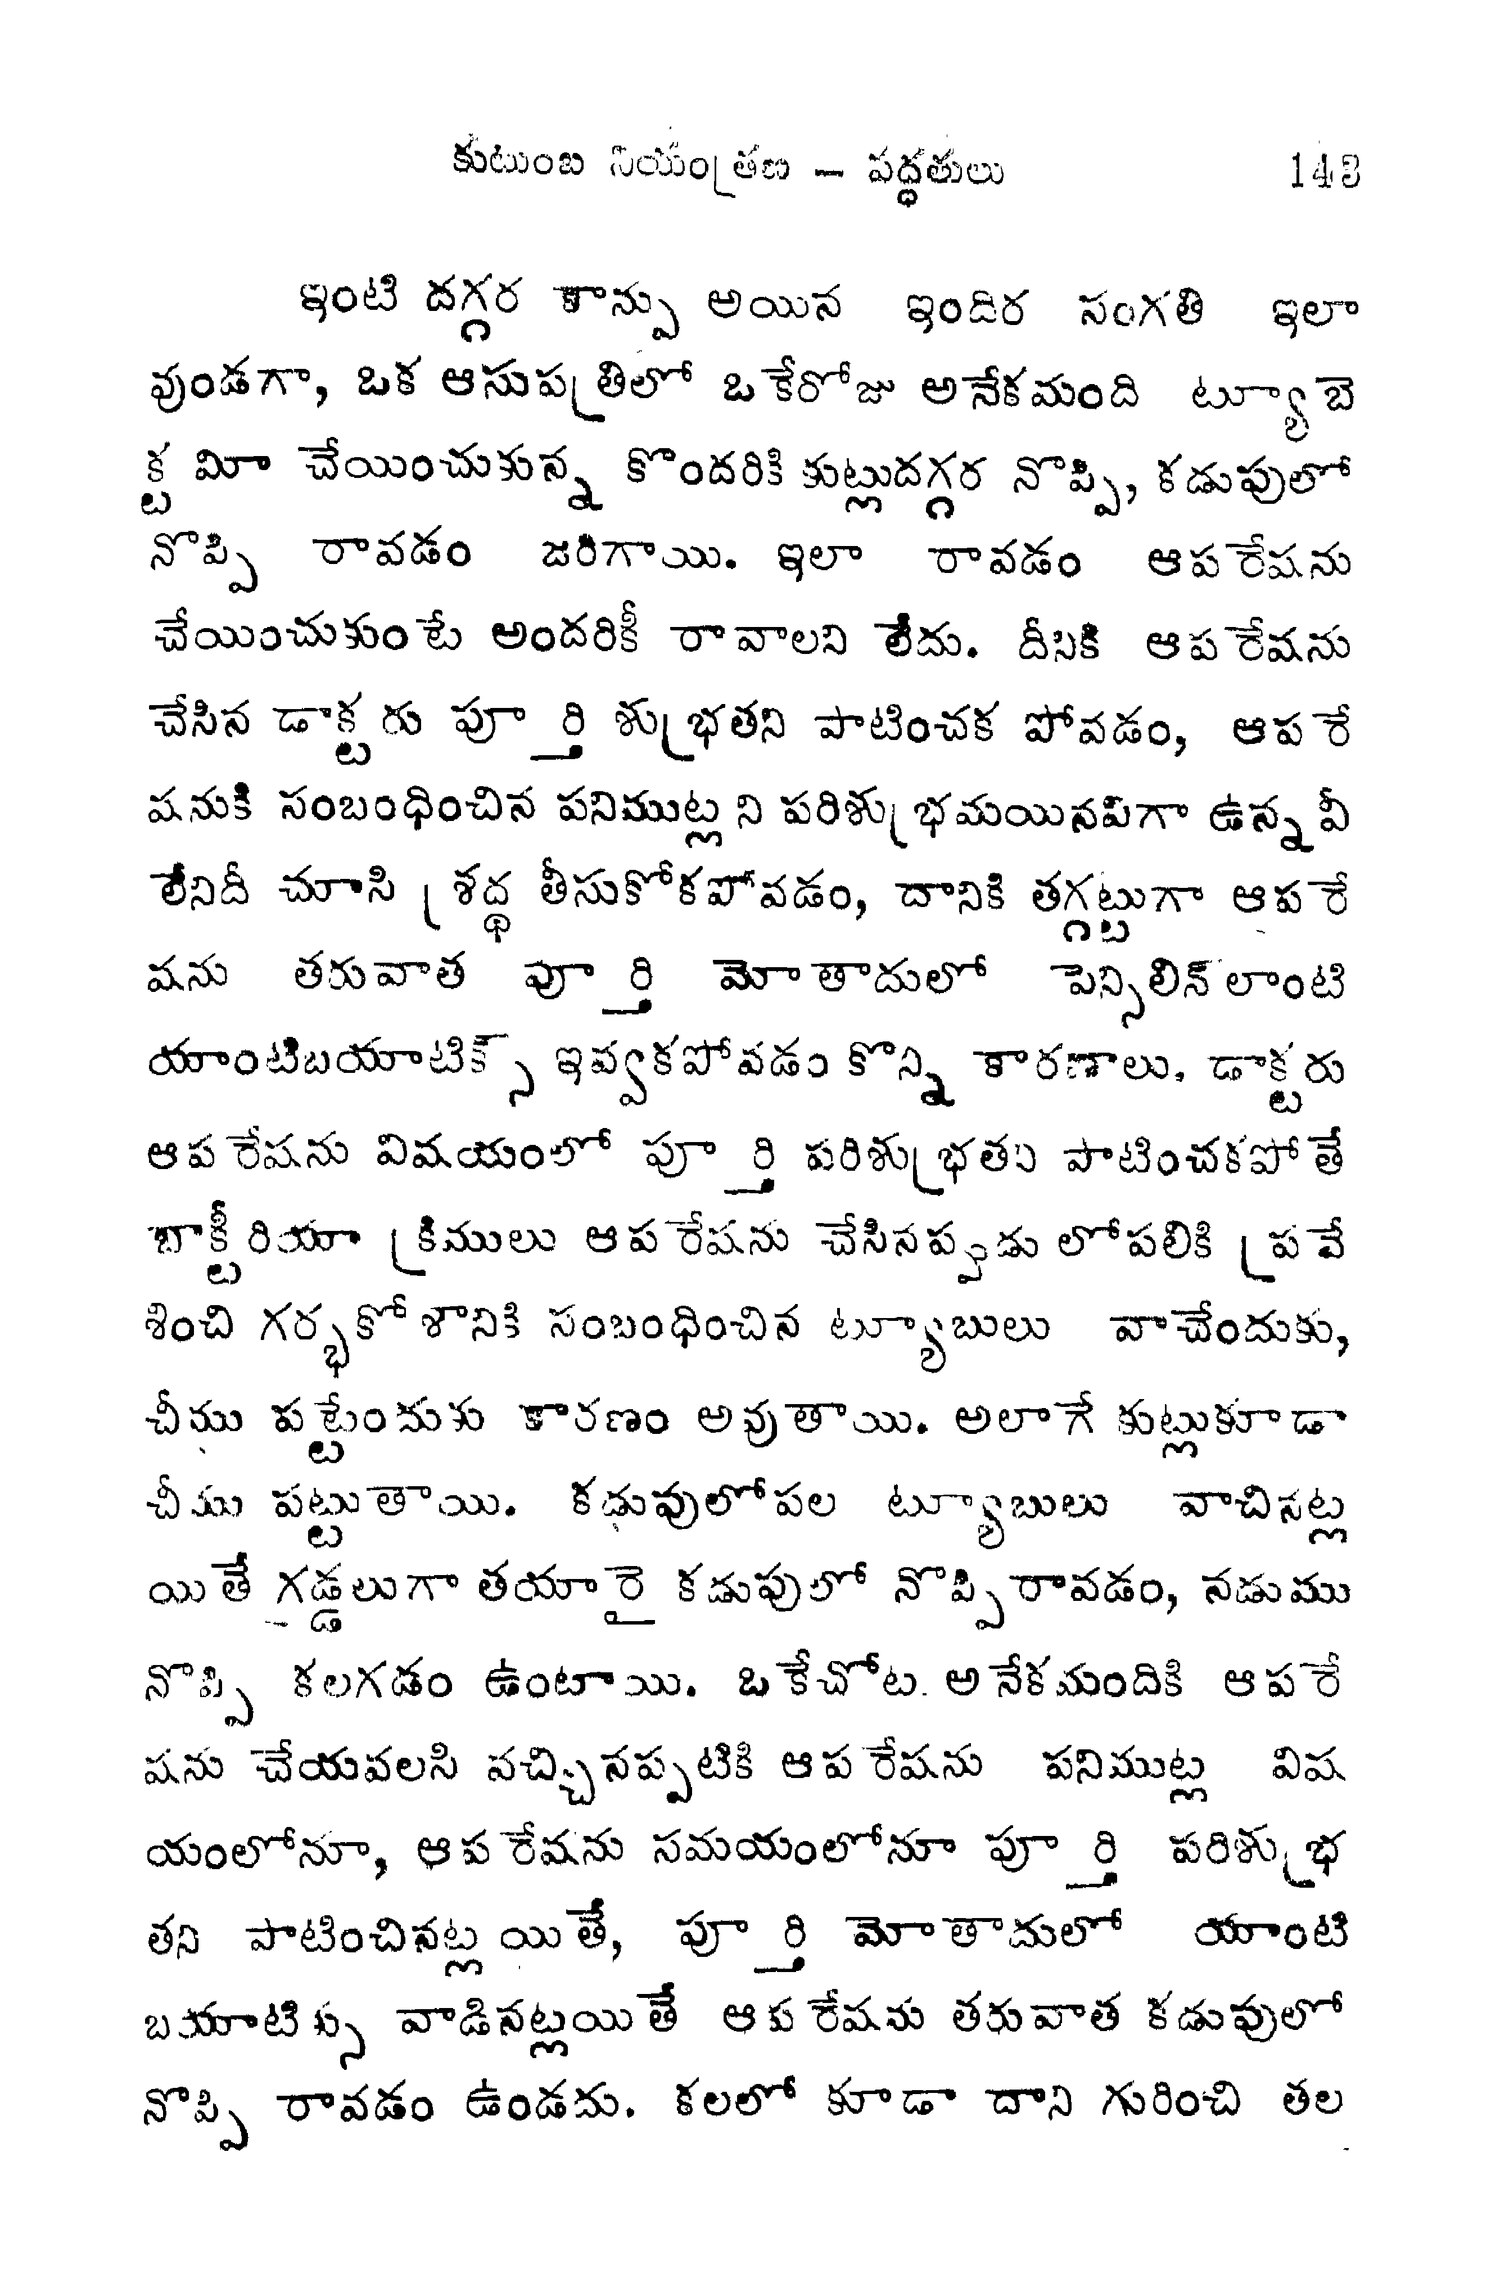ఇంటి దగ్గర కాన్పు అయిన ఇందిర సంగతి ఇలా వుండగా, ఒక ఆసుపత్రిలో ఒకేరోజు అనేకమంది ట్యూబెక్టమీ చేయించుకున్న కొందరికి కుట్లుదగ్గర నొప్పి, కడుపులో నొప్పి రావడం జరిగాయి. ఇలా రాఫడం ఆపరేషను చేయించుకుంటే అందరికీ రావాలని లేదు. దీనికి ఆపరేషను చేసిన డాక్టరు పూర్తి శుభ్రతని పాటించక పోవడం, ఆపరేషనుకి సంబంధించిన పనిముట్లని పరిశుభ్రమయినవిగా ఉన్నవీ లేనిదీ చూసి శ్రద్ధ తీసుకోకపొవడం, దానికి తగ్గట్టుగా ఆపరేషను తరువాత పూర్తి మోతాదులో పెన్సిలిన్ లాంటి యాంటీబయాటిక్స్ ఇవ్వకపోవడం కొన్ని కారణాలు. డాక్టరు ఆపరేషను విషయంలో పూర్తి పరిశుభ్రతని పాటించకపోతే బాక్టీరియా క్రిములు ఆపరేషను చేసినప్పుడు లోపలికి ప్రవేశించి గర్బకోశానికి సంబందించిన ట్యూబులు వాచేందుకు, చీము పట్టేందుకు కారణం అవుతాయి. అలాగే కుట్లుకూడా చీము పట్టుతాయి. కడుపులోపల ట్యూబులు వాచినట్లయితే గడ్దలుగా తయారై కడుపులో నొప్పిరావడం, నడుము నొప్పి కలగడం ఉంటాయి. ఒకేచోట అనేకమందికి ఆపరేషను చేయవలసి వచ్చినప్పటికి ఆపరేషను పనిముట్ల విషయంలోనూ, ఆపరేషను సమయంలోనూ పూర్తి పరిశుభ్రతని పాటీంచినట్లయితే, పూర్తి మోతాదులో యాంటిబయాటిక్స్ వాడినట్లయితే,ఆపరేషను తరువాత కడుపులో నొప్పి రావాడం ఉండదు. కలలో కూడా దాని గురించి తల